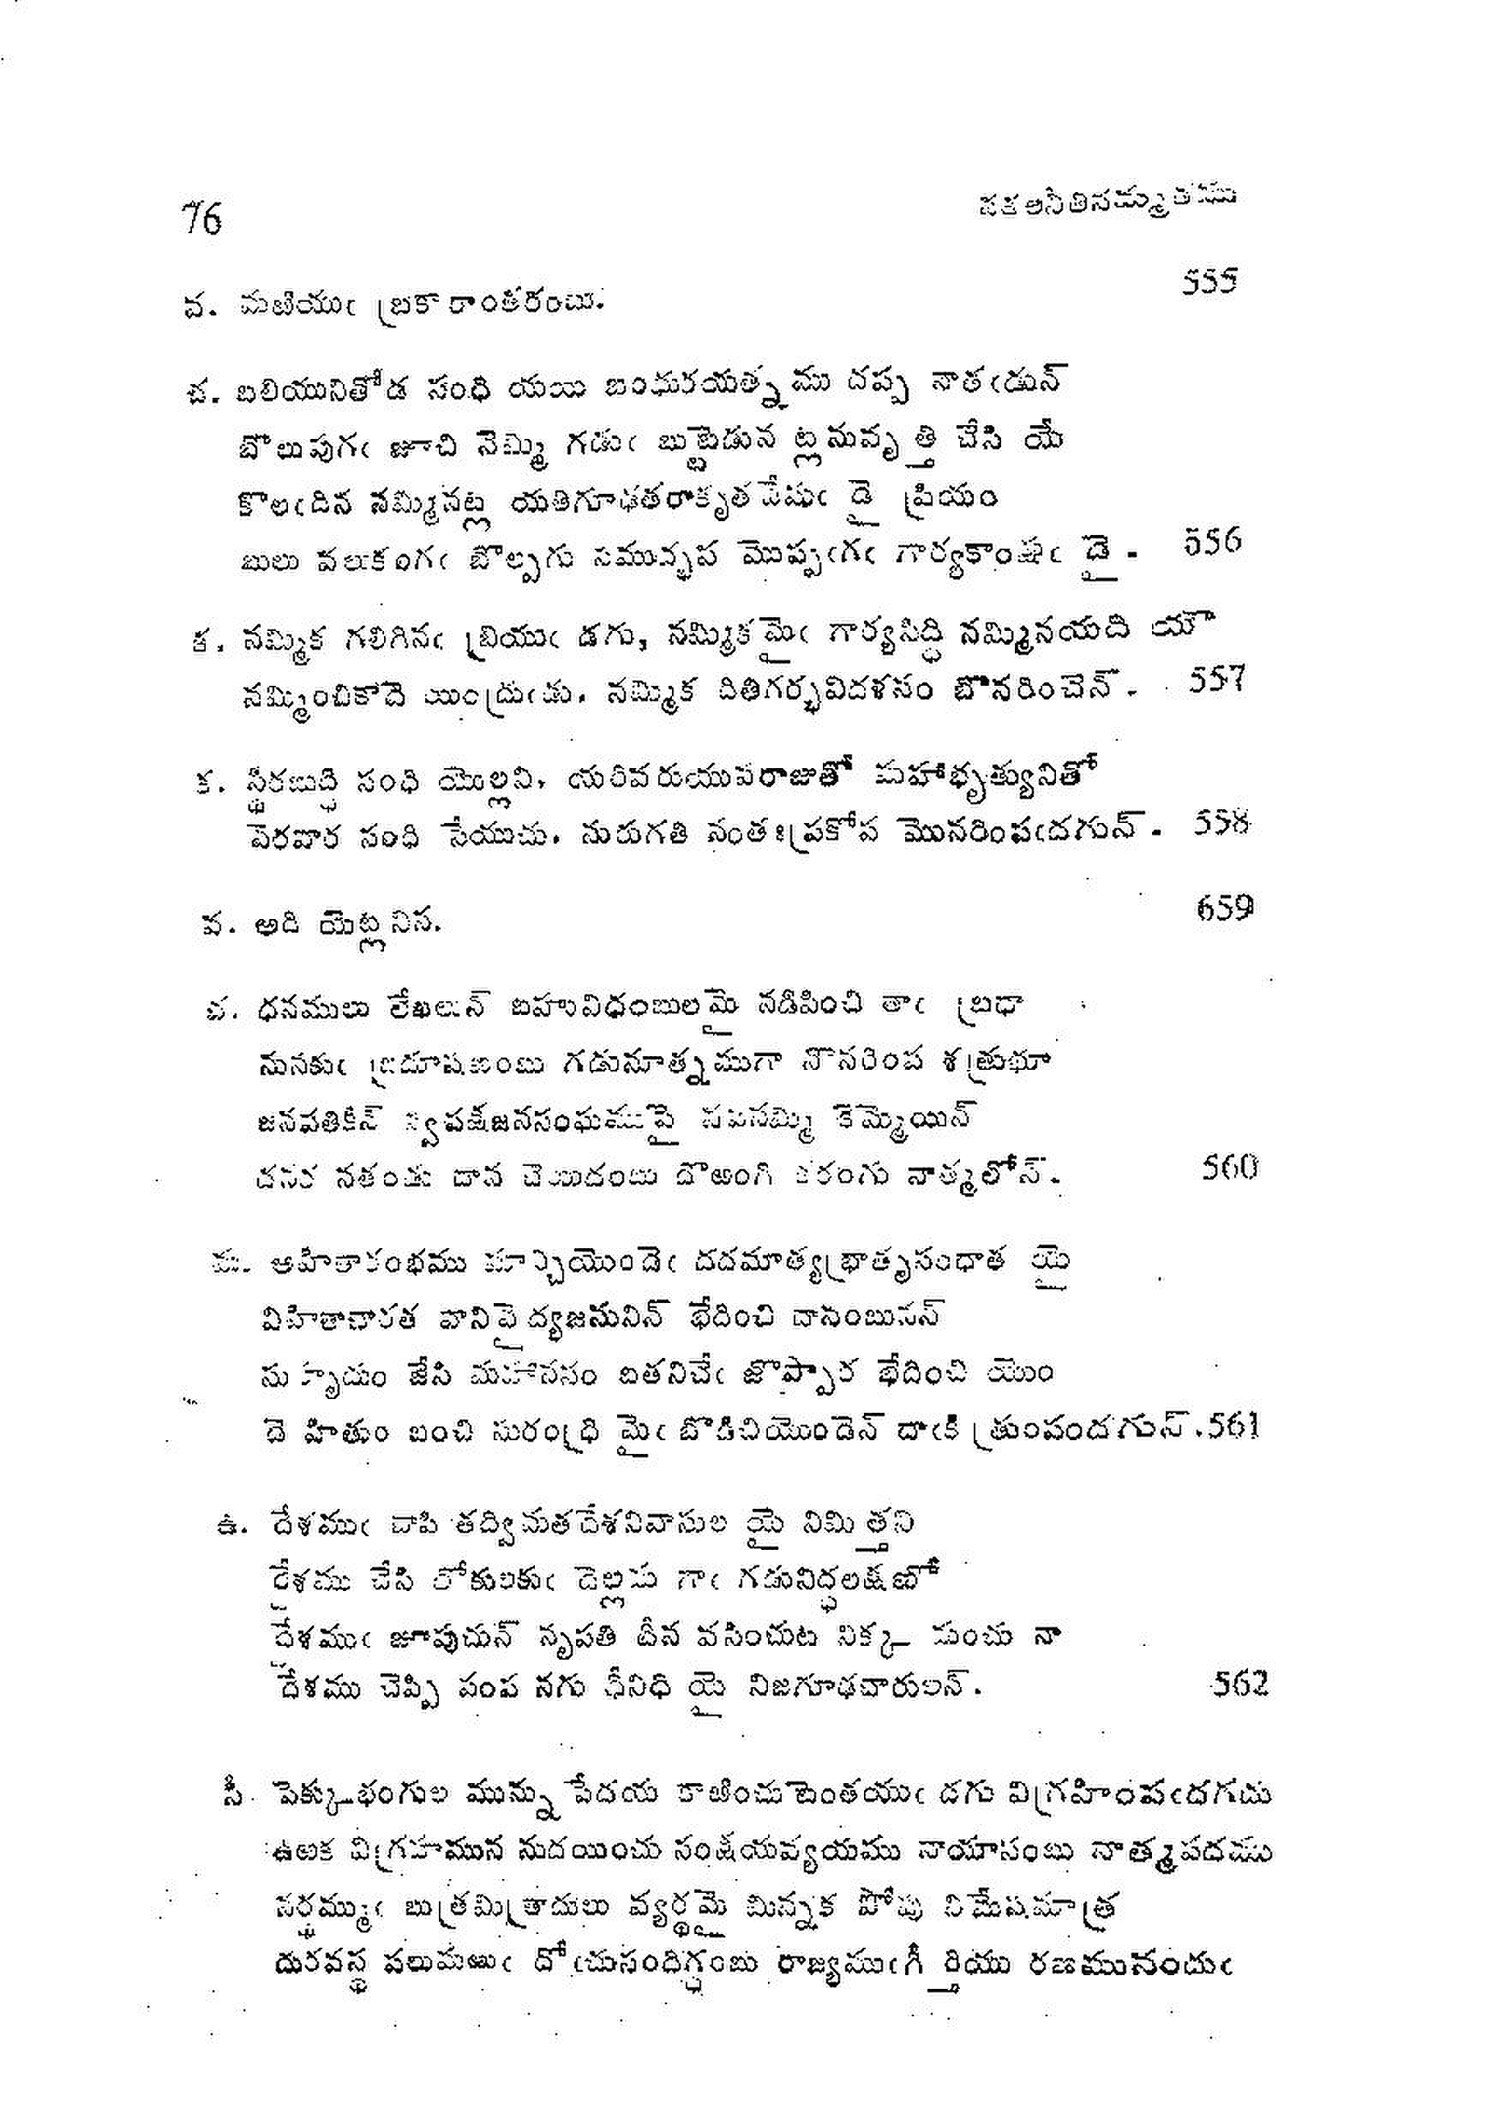వ. మఱియుఁ బ్రకారాంతంబు. 555

చ. బలియునితోడ సంధి బంధురయత్నము దప్ప నాతఁడున్
బొలుపుఁగఁ జూచి నెమ్మి గడుఁ బుట్టెడున ట్లనువృత్తి చేసి యే
కొలఁదిన నమ్మినట్ల యతిగూఢతరాకృతవేషుఁ డై ప్రియం
బులు వలుకంగఁ బొల్పగు సముద్భవ మొప్పఁగఁ గార్యకాంక్షుఁ డై. 556

క. నమ్మిక గలిగినఁ బ్రియుఁ డగు
నమ్మికమైఁ గార్యసిద్ధి నమ్మినయది యౌ
నమ్మించికాదె యింద్రుఁడు
నమ్మిక దితిగర్భవిదళనం బొనరించెన్. 557

క. స్థిరబుద్ధి సంధి యొల్లని
యరివరుయువరాజుతో మహాభృత్యునితో
వెరవార సంధి సేయుదు
నురుగతి నంతఃప్రకోప మొనరింపఁదగున్. 558

వ. అది యెట్లనిన. 559

చ. ధనములు లేఖలున్ బహువిధంబుల నడిపించి తాఁ బ్రధా
నునకుఁ బ్రదూషణంబు గడునూత్నముగా నొనరింప శత్రుభూ
జనపతికిన్ స్వపక్షజనసంఘముపై నపనమ్మి కెమ్మెయిన్
దనర నతండు దాన చెయిదంబు దొఱంగి కరంగు నాత్మలోన్. 560

మ. అహితారంభము మాన్చియొండెఁ దదమాత్యభ్రాతృసంధాత యై
విహితాచారత వానివైద్యజనునిన్ భేదించి దానంబునన్
సుహృదుం జేసి మహాసనం బతనిచేఁ జొప్పార భేదించి యొం
డె హితుం బంచి సురంధ్రి మైఁ బొడిచియొండెన్ దాఁకి త్రుంపందగున్. 561

ఉ. దేశముఁ బాపు తద్విమతదేశనివాసుల యై నిమిత్తని
ర్దేశము చేసి లోకులకుఁ దెల్లను గాఁ గడునిద్ధలక్షణో
ద్దేశముఁ జూపుచున్ నృపతి దీన వసించుట నిక్క మంచు నా
దేశము చెప్పి పంప నగు దీనిధి యై నిజగూఢచారులన్. 562

సీ. పెక్కుభంగుల మున్ను పేదయ కాఱించు
టెంతయుఁ దగు నిగ్రహింపఁదగదు
ఉఱక విగ్రహమున నుదయించు సంక్షయ
వ్యయము నాయాసంబు నాత్మపదము
నర్థమ్ముఁ బుత్రమిత్రాదులు వ్యర్థమై
మిన్నక పోవు నిమేషమాత్ర
దురవస్థ పలుమఱుఁ దోఁచు సందిగ్ధంబు
రాజ్యముఁ గీర్తియు రణమునందు